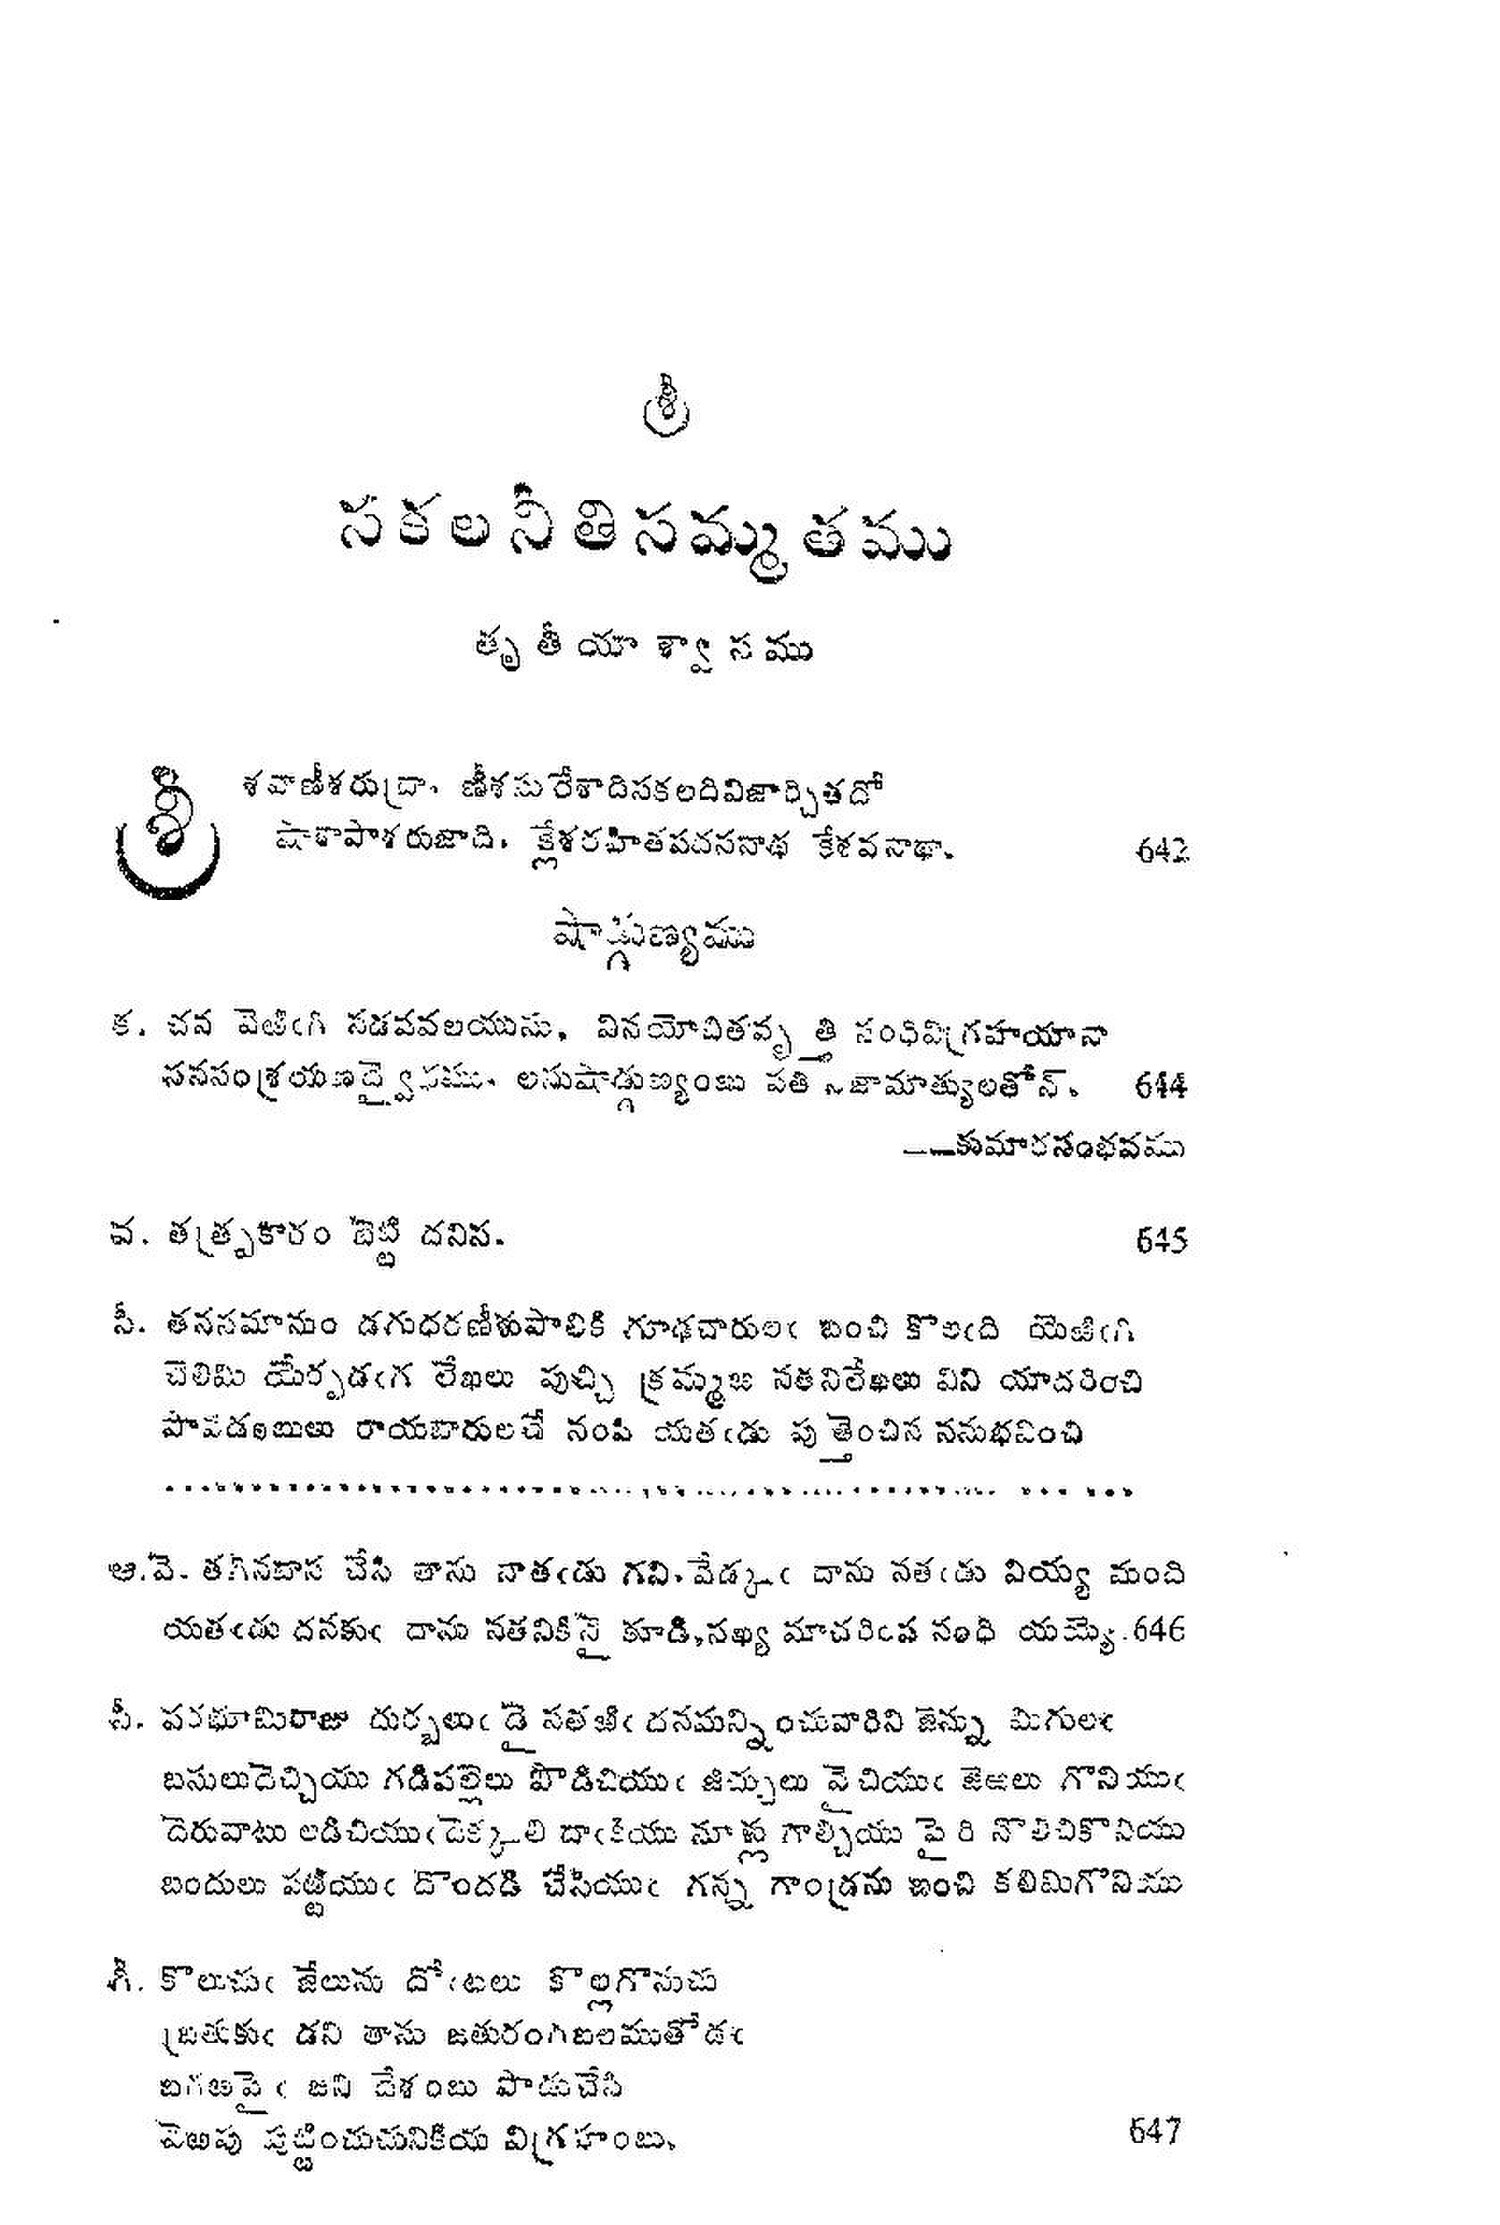క. శ్రీశవాణీశరుద్రా
ణీశసురేశాదిసకలదివిజార్చితదో
షాశాపాశరజాది
క్లేశరహితపదసనాథ కేశవనాథా. 643

క. చన వెఱిఁగి నడయవలయును
వినయోచితవృత్తి సంధివిగ్రహయానా
సనసంశ్రయణద్వైదము
లను షాడ్గుణ్యంబు పతి నిజామాత్యులతోన్. 644

వ. తత్ప్రకారం బెట్టి దనిన. 645

సీ. తనసమానం డగు ధరణీశుపాలికి
గూఢచారులఁ బంచి కొలఁది యెఱిఁగి
చెలిమి యేర్పడఁగ లేఖలు పుచ్చి
క్రమ్మఱ నతనిలేఖలు విని యాదరించి
పావడంబులు రాయబారులచే నంపి
యతఁడు పుత్తెనిచిన ననుభవించి
..............................................
.............................................
ఆ. తగినబాస చేసి తాను నాతఁడు గని
వేడ్కఁ దాను నతఁడు వియ్య మంది
యతఁడు దనకుఁ దాను నతనికి నై కూడి
సఖ్య మాచరింప సంధి యయ్యె. 646

సీ. పరభూమిరాజు దుర్బలుఁ డైనతఱిఁ
దనమన్నించువారిని జెన్ను మిగుల
బసులుదెచ్చియు గడిపల్లెలు పొడిచియుఁ
జిచ్చులు వైచియుఁ జెఱలు గొనియుఁ
దెరువాటు లడిచియుఁ దెక్కలు దాఁకియు
నూళ్లు గాల్చియు పైరి నొలిచికొనియు
బందులు పట్టియుఁ దొందడి చేసియుఁ
గన్న గాండ్రను బంచి కలిమిగొనియు
గీ. కొలుచుఁ జేలును దోఁటలు కొల్లగొనుచు
బ్రతుకుఁ డని దాను జతురంగబలముతోడఁ
బగఱపైఁ జని దేశంబు పాడుచేసి
వెఱవు పుట్టించుచునికియ విగ్రహంబు. 647